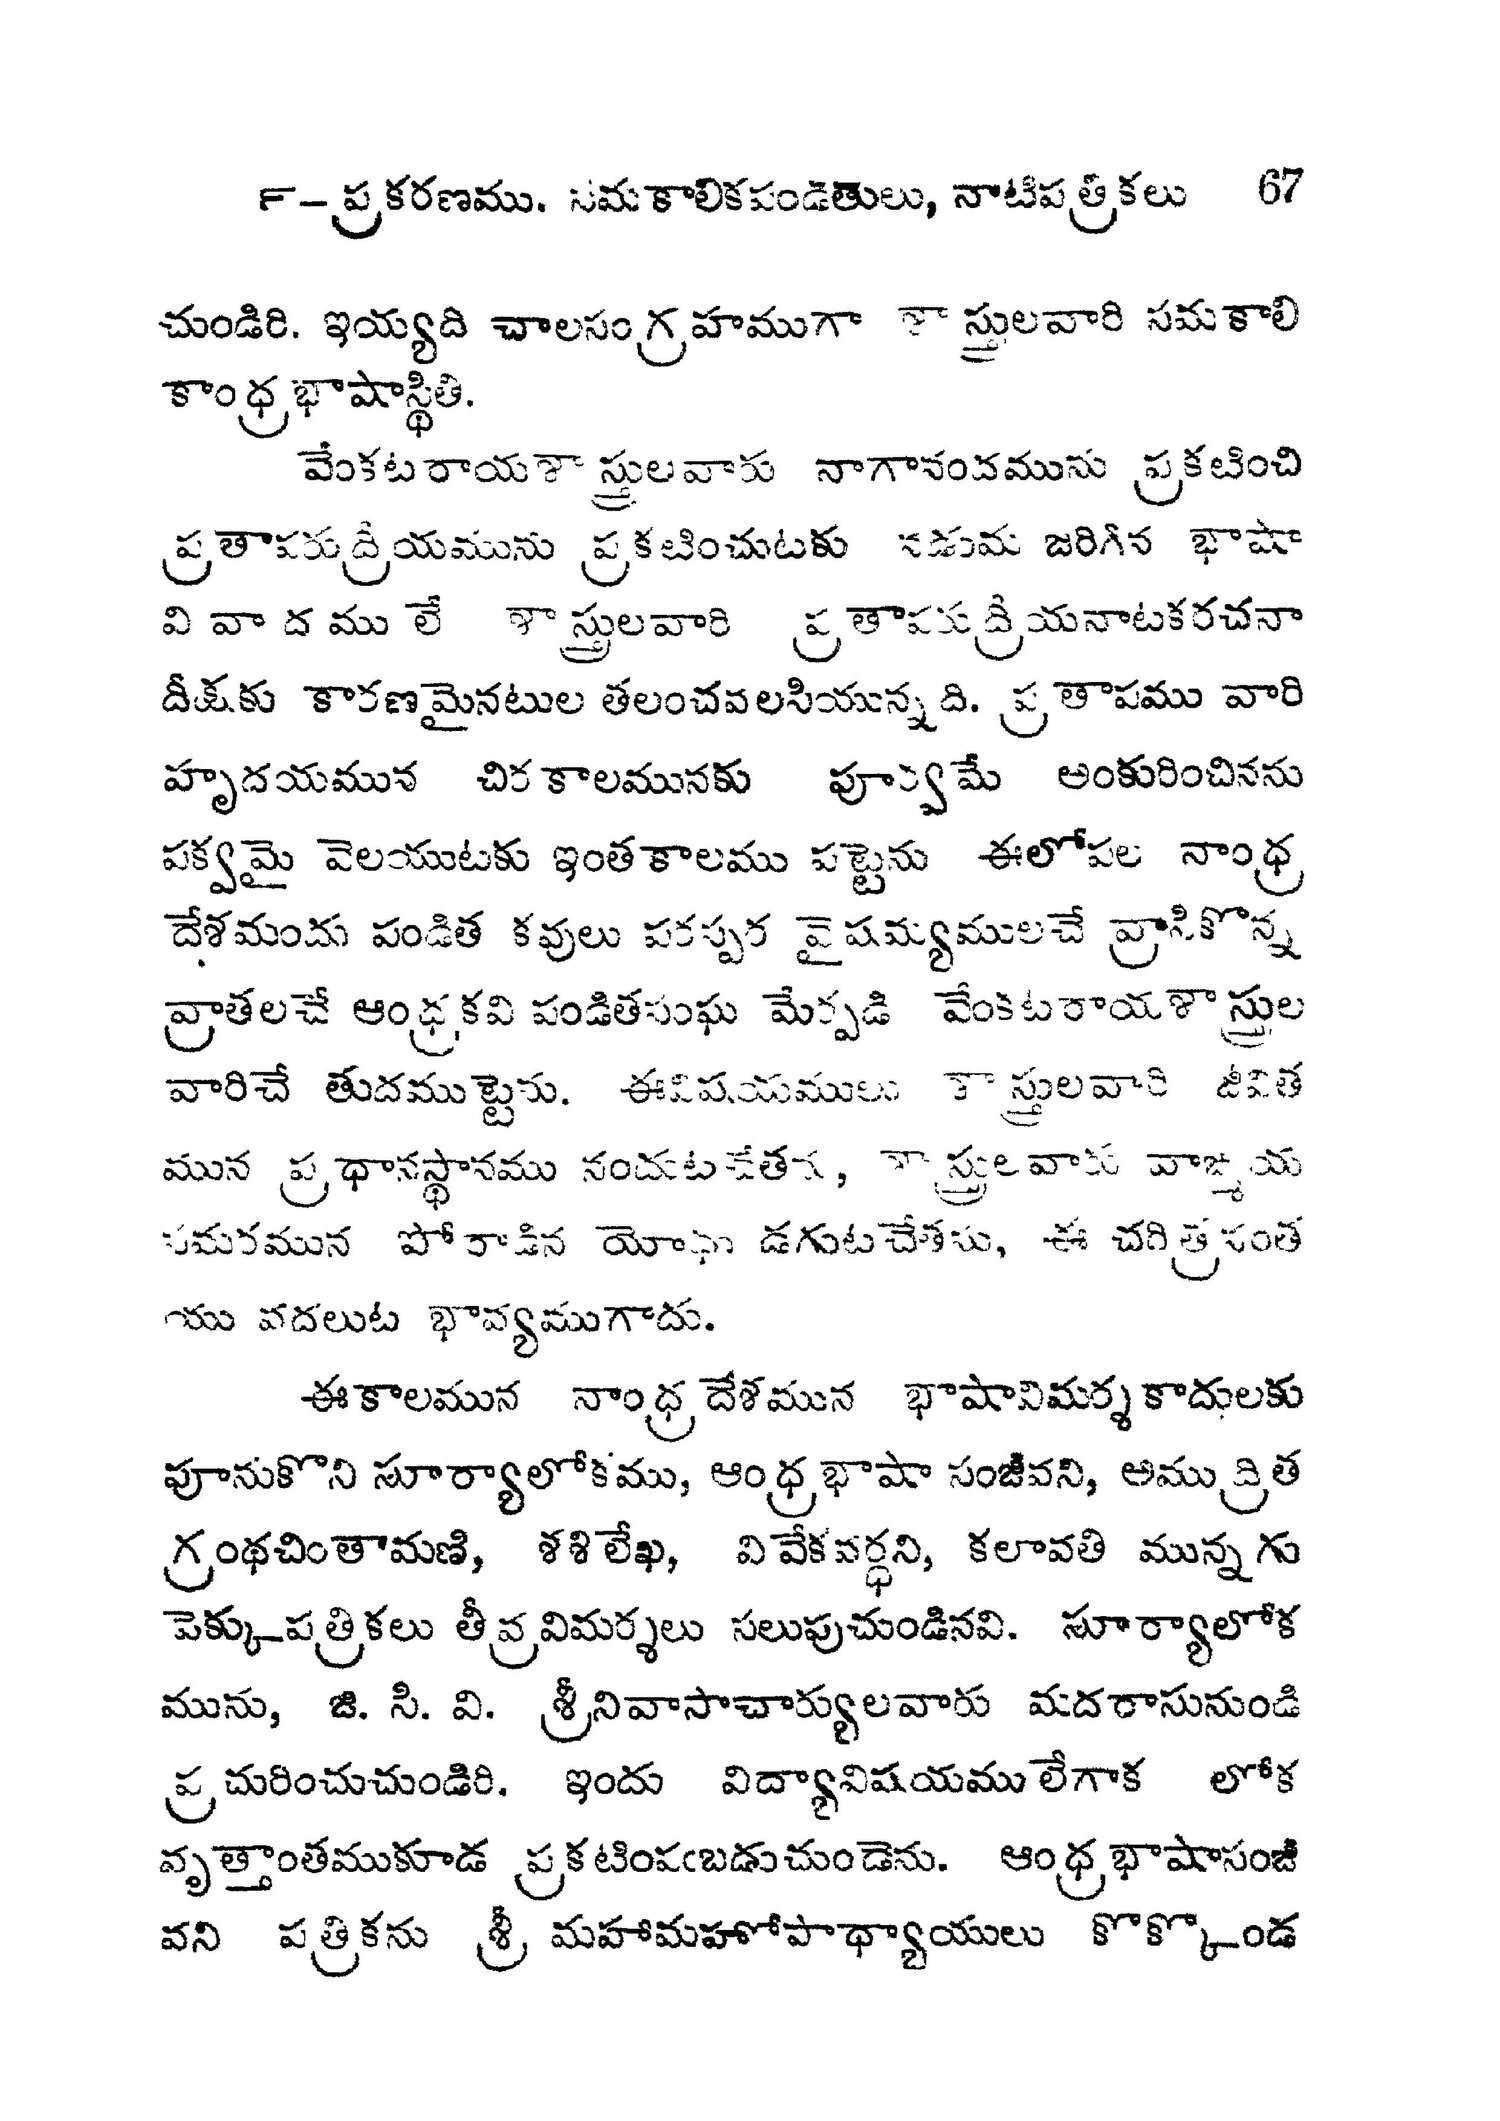చుండిరి. ఇయ్యది చాలసంగ్రహముగా శాస్త్రులవారి సమకాలి కాంధ్రభాషాస్థితి.

వేంకటరాయశాస్త్రులవారు నాగానందమును ప్రకటించి ప్రతాపరుద్రీయమును ప్రకటించుటకు నడుమ జరిగిన భాషా వివాదములే శాస్త్రులవారి ప్రతాపరుద్రీయ నాటకరచనా దీక్షకు కారణమైనటుల తలంచవలసియున్నది. ప్రతాపము వారి హృదయమున చిరకాలమునకు పూర్వమే అంకురించినను పక్వమై వెలయుటకు ఇంతకాలము పట్టెను. ఈలోపల నాంధ్ర దేశమందు పండిత కవులు పరస్పర వైషమ్యములచే వ్రాసికొన్న వ్రాతలచే ఆంధ్రకవి పండితసంఘ మేర్పడి వేంకటరాయశాస్త్రుల వారిచే తుదముట్టెను. ఈవిషయములు శాస్త్రులవారి జీవితమున ప్రధానస్థానము నందుటచేతను, శాస్త్రులవారు వాఙ్మయ సమరమున పోరాడిన యోధుడగుటచేతను. ఈ చరిత్రనంతయు వదలుట భావ్యముగాదు.

ఈకాలమున నాంధ్ర దేశమున భాషావిమర్శకాదులకు పూనుకొని సూర్యాలోకము, ఆంధ్రభాషా సంజీవని, అముద్రిత గ్రంథచింతామణి, శశిలేఖ, వివేకవర్ధని, కలావతి మున్నగు పెక్కుపత్రికలు తీవ్రవిమర్శలు సలుపుచుండినవి. సూర్యాలోకమును, జి.సి.వి. శ్రీనివాసాచార్యులవారు మదరాసునుండి ప్రచురించుచుండిరి. ఇందు విద్యావిషయములేగాక లోక వృత్తాంతముకూడ ప్రకటింప బడుచుండెను. ఆంధ్రభాషాసంజీవని పత్రికను శ్రీ మహామహోపాథ్యాయులు కొక్కొండ